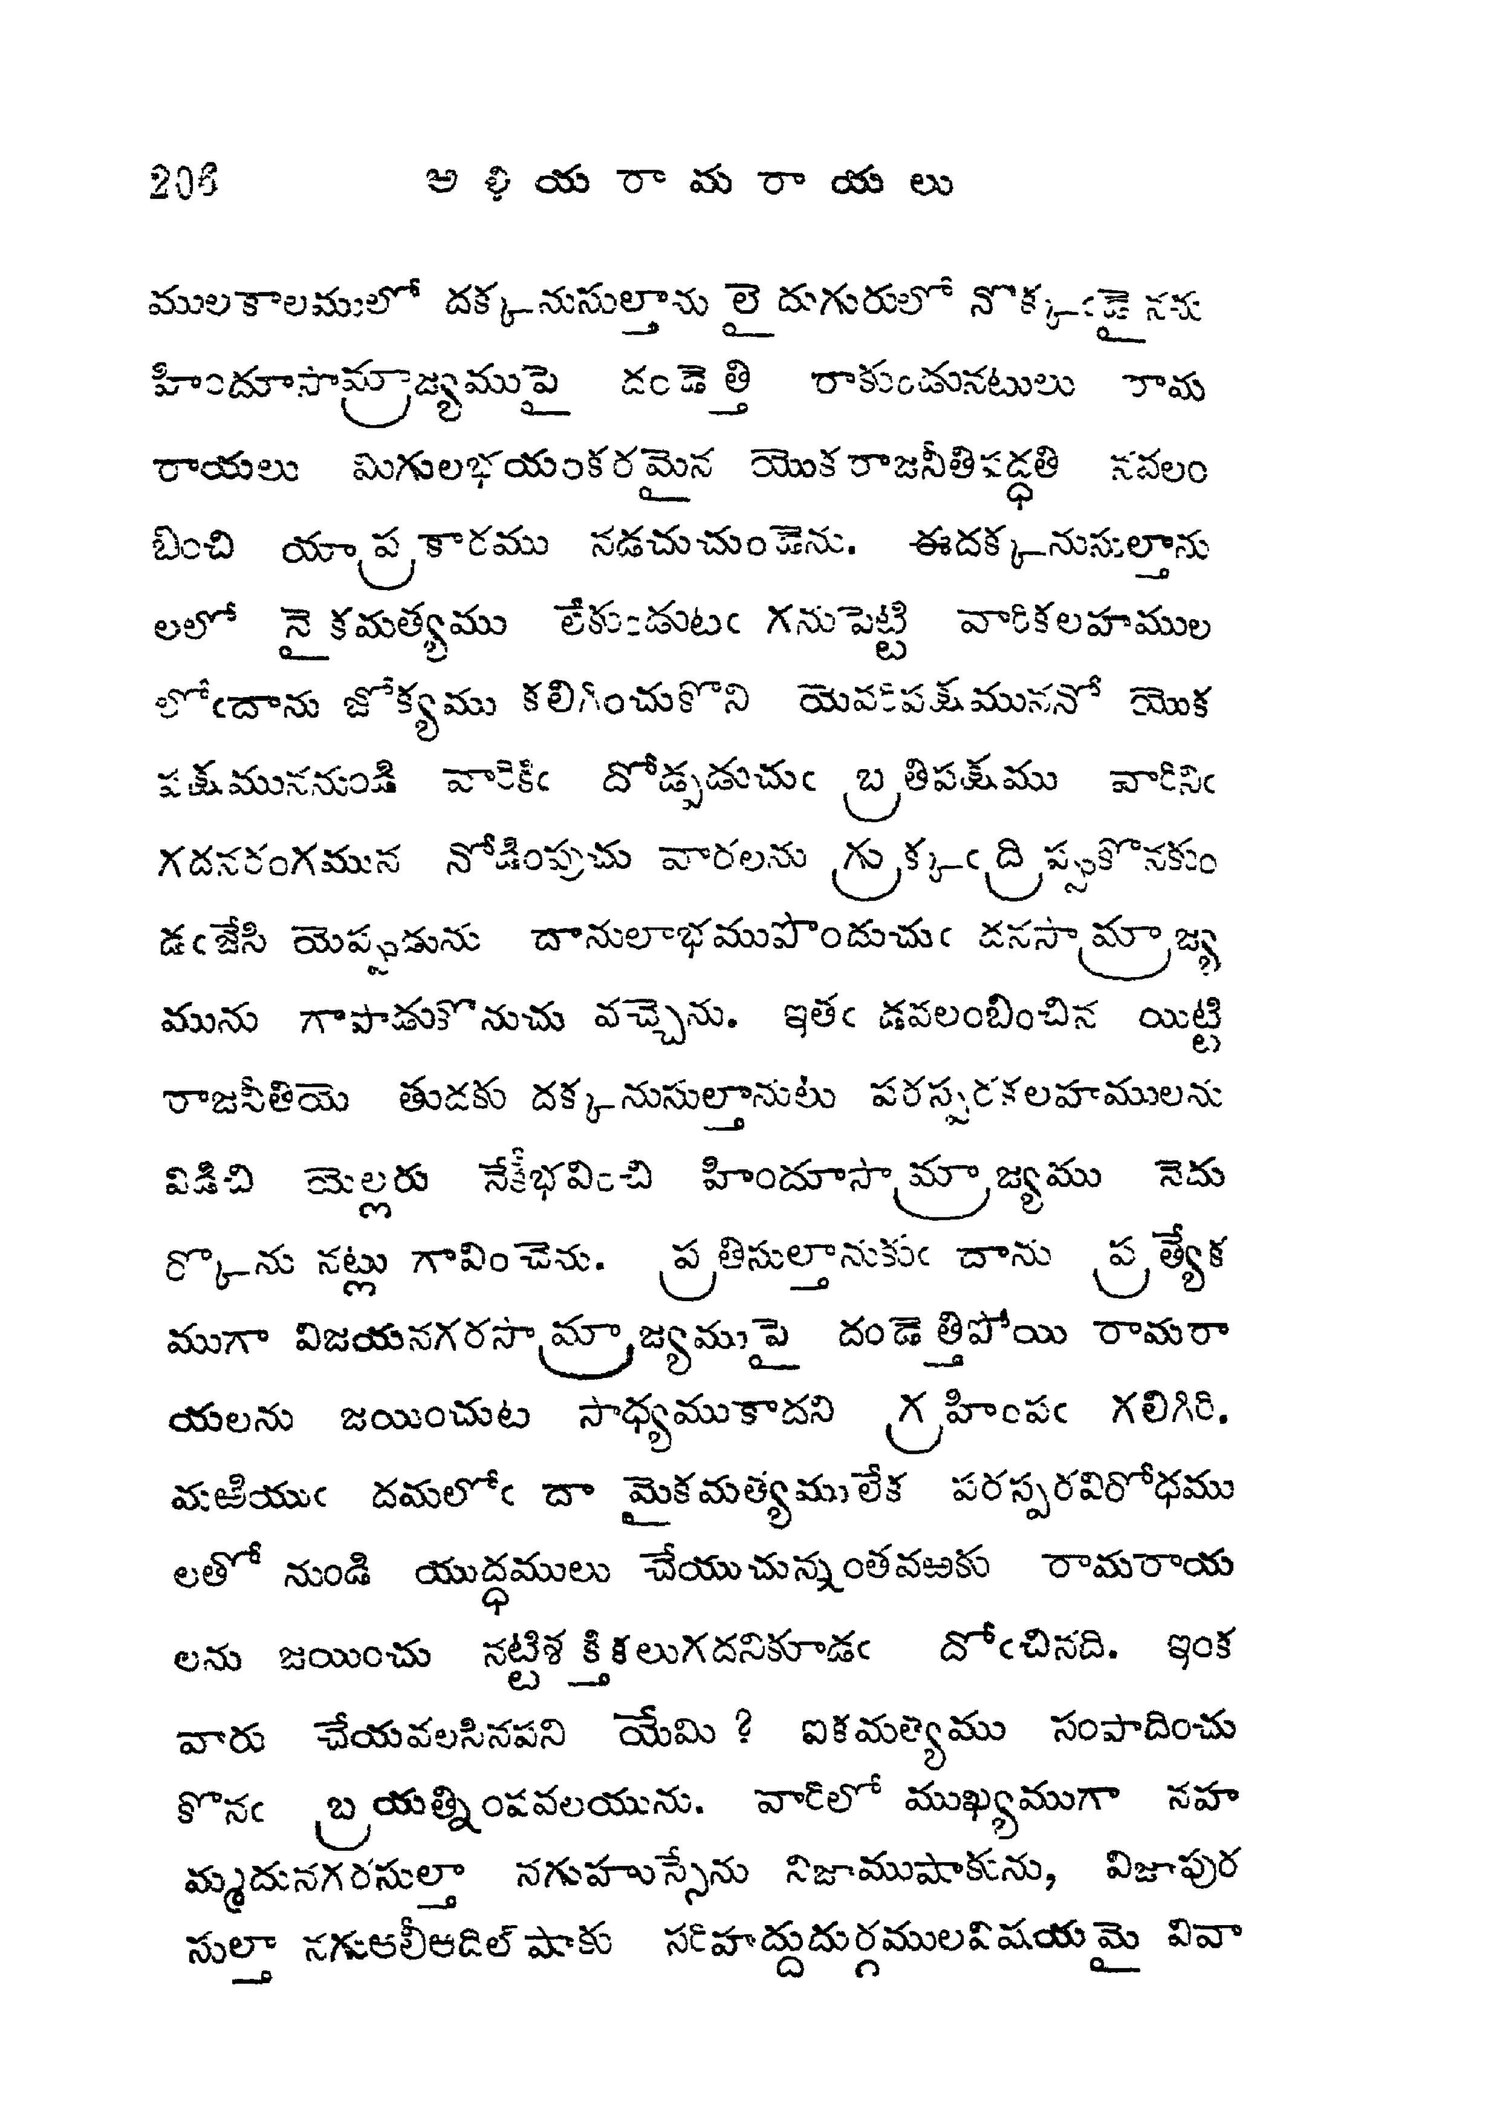ములకాలములో దక్కనుసుల్తాను లైదుగురులో నొక్కడైనను హిందూసామ్రాజ్యముపై దండెత్తి రాకుండునటులు రామరాయలు మిగులభయంకరమైన యొకరాజనీతిపద్ధతి నవలంబించి యాప్రకారము నడచుచుండెను. ఈదక్కనుసుల్తానులలో నైకమత్యము లేకుండుట గనుపెట్టి వారికలహములలోదాను జోక్యము కలిగించుకొని యెవరిపక్షముననో యొకపక్షముననుండి వారికి దోడ్పడుచు బ్రతిపక్షము వారిని గదనరంగమున నోడింపుచు వారలను గ్రుకద్రిప్పుకొనకుండజేసి యెప్పుడును దానులాభముపొందుచు దనసామ్రాజ్యమును గాపాడుకొనుచు వచ్చెను. ఇత డవలంబించిన యిట్టి రాజనీతియె తుదకు దక్కనుసుల్తానులు పరస్పరకలహములను విడిచి యెల్లరు నేకీభవించి హిందూసామ్రాజ్యము నెదుర్కొను నట్లు గావించెను. ప్రతిసుల్తానుకు దాను ప్రత్యేకముగా విజయనగరసామ్రాజ్యముపై దండెత్తిపోయి రామరాయలను జయించుట సాధ్యముకాదని గ్రహింప గలిగిరి. మఱియు దమలో దా మైకమత్యములేక పరస్పరవిరోధములతో నుండి యుద్ధములు చేయుచున్నంతవఱకు రామరాయలను జయించు నట్టిశక్తికలుగదనికూడ దోచినది. ఇంక వారు చేయవలసినపని యేమి? ఐకమత్యము సంపాదించుకొన బ్రయత్నింపవలయును. వారిలో ముఖ్యముగా నహమ్మదునగరసుల్తా నగుహుస్సేను నిజాముషాకును, విజాపురసుల్తా నగుఆలీఆదిల్‌షాకు సరిహద్దుదుర్గముల విషయమై వివా